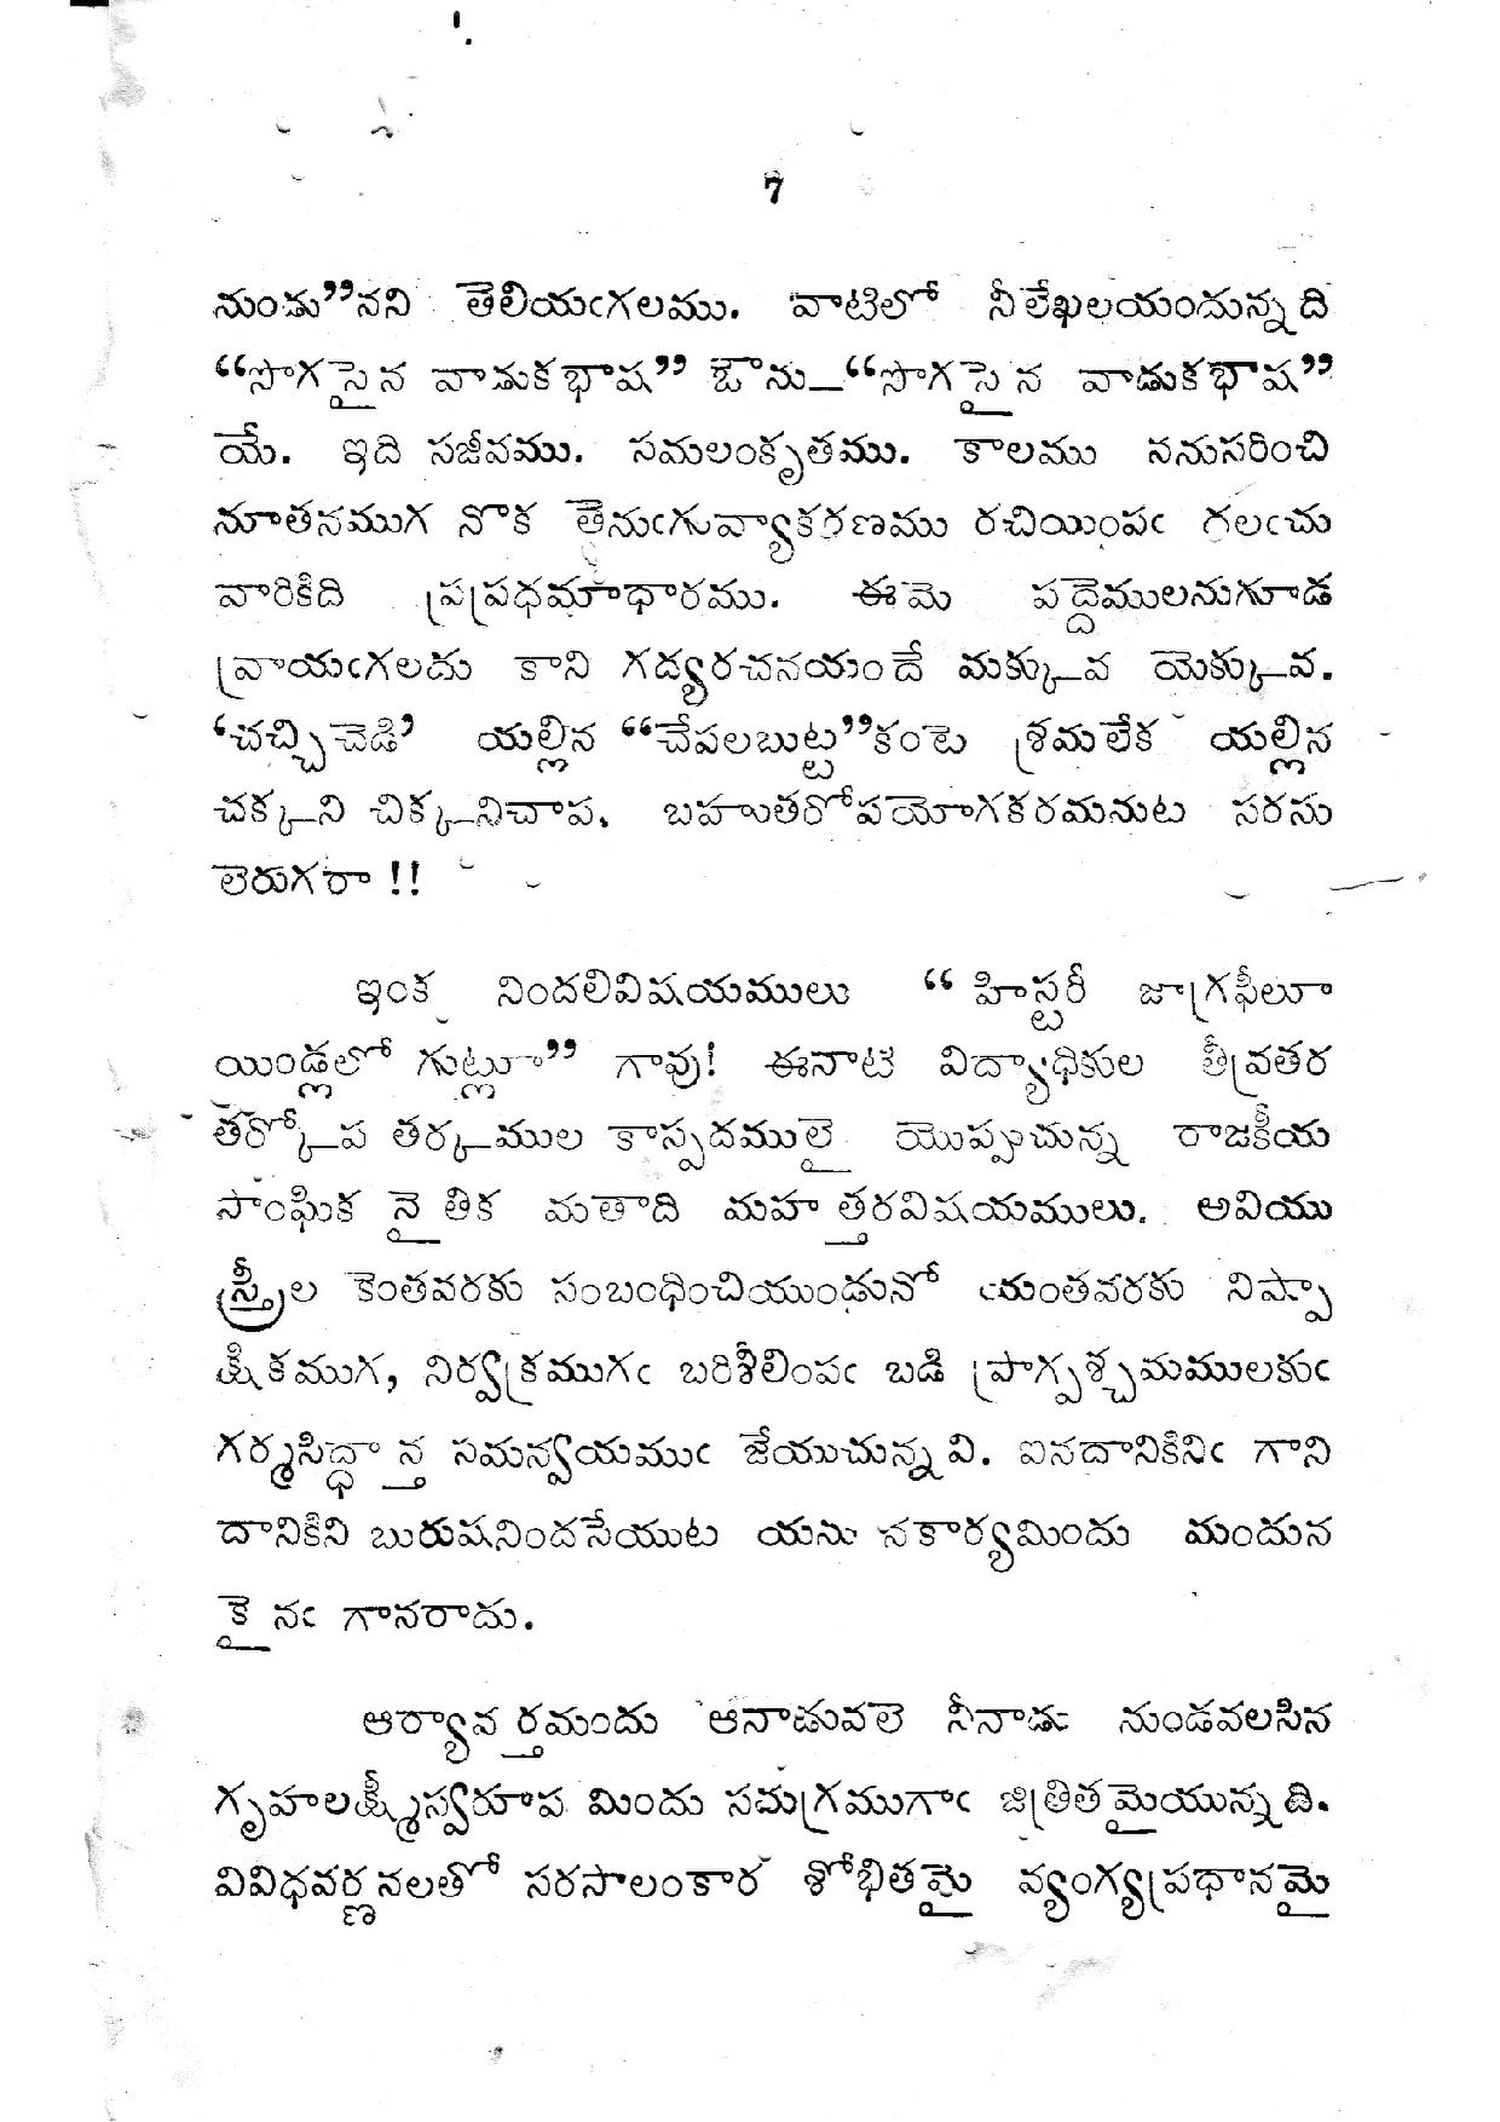నుండు”నని తెలియఁగలము. వాటిలో నీలేఖలయందున్నది "సొగసైన వాడుకభాష" ఔను - "సొగసైన వాడుకభాష"యే. ఇది సజీవము. సమలంకృతము. కాలము ననుసరించి నూతనముగ నొక తెనుఁగువ్యాకరణము రచియింపఁ దలఁచు వారికిది ప్రప్రధమాధారము. ఈమె పద్దెములనుగూడ వ్రాయఁగలదు కాని గద్యరచనయందే మక్కువ యెక్కువ. 'చచ్చి చెడి' యల్లిన "చేపలబుట్ట"కంటె శ్రమలేక యల్లిన చక్కని చిక్కనిచాప, బహుతరోపయోగకరమనుట సరసు లెరుగురా !!

ఇంక నిందలివిషయములు "హిస్టరీ, జాగ్రఫీలూ యిండ్లలో గుట్లూ” గావు! ఈనాటి విద్యాధికుల తీవ్రతర
తర్కోప తర్కముల కాస్పదములై యొప్పుచున్న రాజకీయ సాంఘిక నైతిక మతాది మహత్తరవిషయములు. అవియు స్త్రీల కెంతవరకు సంబంధించియుండునో యంతవరకు నిష్పాక్షికముగ, నిర్వక్రముగఁ బరిశీలింపఁ బడి ప్రాగ్పశ్చమములకుఁ గర్మసిద్ధాన్త సమన్వయముఁ జేయుచున్నవి. ఐనదానికినిఁ గానిదానికిని బురుషనిందసేయుట యను పకార్యమిందు మందునకైనఁ గానరాదు.

ఆర్యావర్తమందు ఆనాడువలె నీనాడు నుండవలసిన గృహలక్ష్మీస్వరూప మిందు సమగ్రముగాఁ జిత్రితమైయున్నది. వివిధవర్ణనలతో సరసాలంకార శోభితమై వ్యంగ్యప్రధానమై